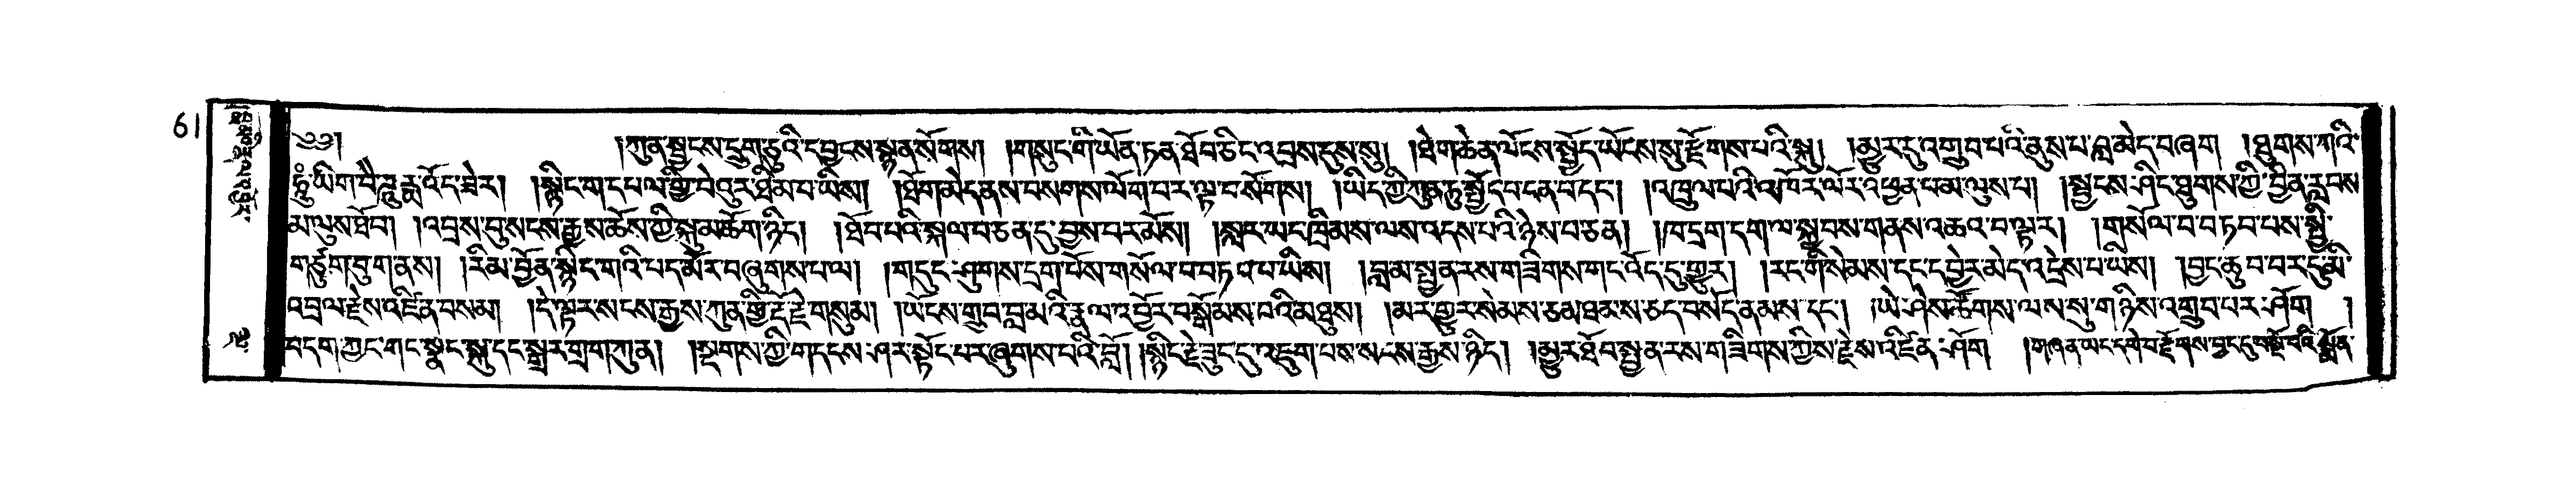༄༅། །ཀུན་སྦྱངས་དྲུག་ཅུའི་དབྱངས་སྙན་སོགས། །གསུང་གི་ཡོན་ཏན་ཐོབ་ཅིང་འབྲས་དུས་སུ། །ཐེག་ཆེན་ལོངས་སྤྱོད་ཡོངས་སུ་རྫོགས་པའི་སྐུ། །མྱུར་དུ་འགྲུབ་པའི་ནུས་པ་བླ་མེད་བཞག། །ཐུགས་ཀའི་
ཧཱུཾ་ཡིག་བེ་ཌཱུ་ར་ཡ་འོད་ཟེར། །སྙིང་ག་དཔལ་གྱི་བེའུར་ཐིམ་པ་ཡིས། །ཐོག་མེད་ནས་བསགས་ལོག་པར་ལྟ་བ་སོགས། །ཡིད་ཀྱི་ཀུན་ཏུ་སྤྱོད་པ་ངན་པ་དང་། །འཁྲུལ་པའི་འཁོར་ལོར་འཕྱན་པ་མ་ལུས་པ། །སྦྱངས་ཤིང་ཐུགས་ཀྱི་བྱིན་རླབས་
མ་ལུས་ཐོབ། །འབྲས་བུ་སངས་རྒྱས་ཆོས་ཀྱི་སྐུ་མཆོག་ཉིད། །ཐོབ་པའི་སྐལ་བ་ཅན་དུ་བྱས་པར་མོས། །སླར་ཡང་ཁྲིམས་ལས་འདས་པའི་ཉེས་པ་ཅན། །ཁ་དྲག་དག་ལ་སྐྱབས་གནས་འཆའ་བ་ལྟར། །གསོལ་བ་བཏབ་པས་སྤྱི་
གཙུག་བུ་གནས། །རིམ་བྱོན་སྙིང་གའི་པད་མོར་བཞུགས་པ་ལ། །གདུང་ཤུགས་དྲག་པོས་གསོལ་བ་བཏབ་པ་ཡིས། །བླ་མ་སྤྱན་རས་གཟིགས་གང་འོད་དུ་གྱུར། །རང་གི་སེམས་དང་དབྱེར་མེད་འདྲེས་པ་ཡིས། །བྱང་ཆུབ་བར་དུ་མི་
འབྲལ་རྗེས་འཛིན་བསམ། །དེ་ལྟར་སངས་རྒྱས་ཀུན་གྱི་རྡོ་རྗེ་གསུམ། །ཡོངས་གྲུབ་བླ་མའི་རྣལ་འབྱོར་བསྒོམས་པའི་མཐུས། །མར་གྱུར་སེམས་ཅན་ཐམས་ཅད་བསོད་ནམས་དང་། །ཡེ་ཤེས་ཚོགས་ལས་སུ་གཉིས་འགྲུབ་པར་ཤོག །
བདག་ཀྱང་གང་སྣང་སྐུ་དང་སྒྲར་གྲག་ཀུན། །སྔགས་ཀྱི་གདངས་ཤར་སྟོང་པར་ཞུགས་པའི་བློ། །སྙིང་རྗེ་ཟུང་དུ་འཇུག་པས་སངས་རྒྱས་ཉིད། །མྱུར་ཐོབ་སྤྱན་རས་གཟིགས་ཀྱིས་རྗེས་འཛིན་ཤོག །གཞན་ཡང་དགེ་བ་རྫོགས་བྱང་དུ་བསྔོ་བའི་སྨོན་